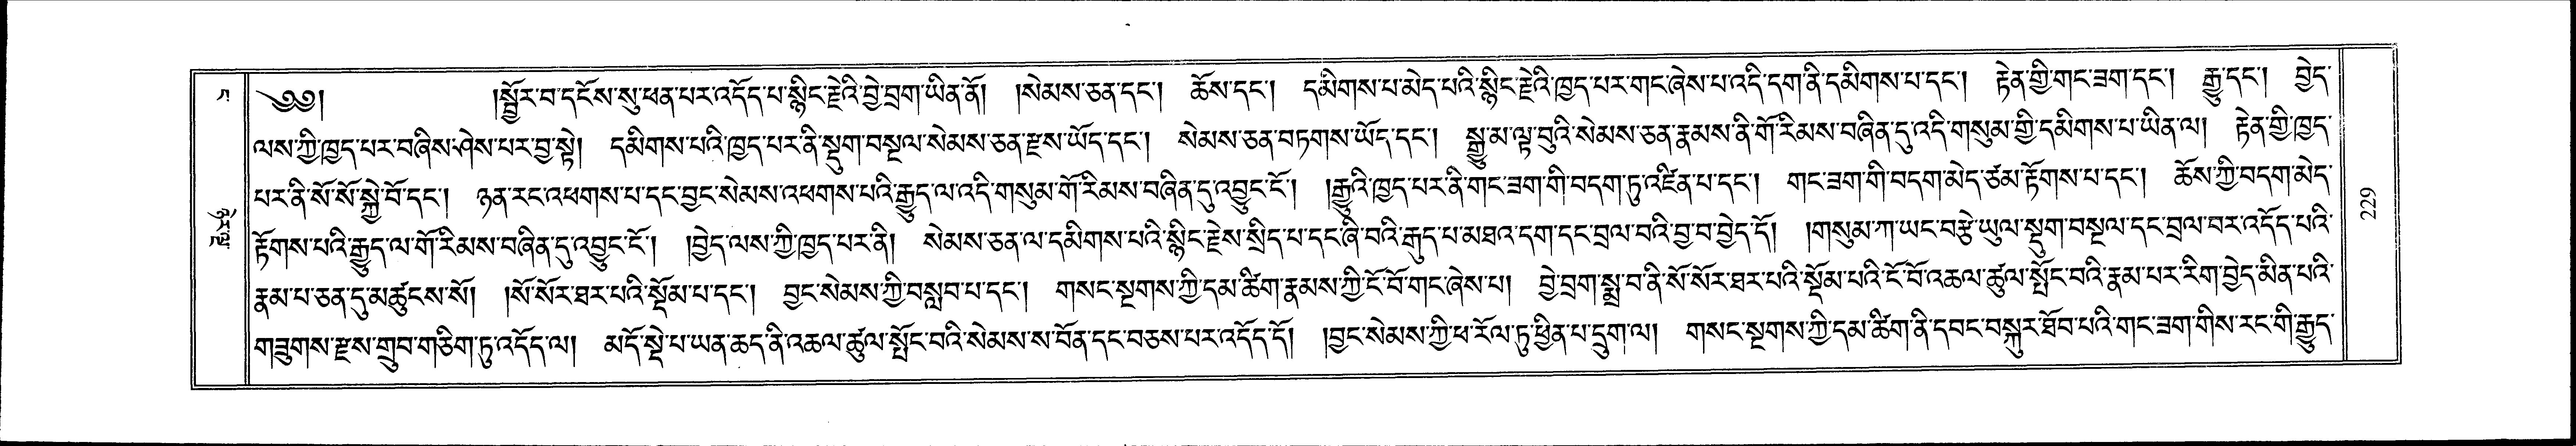༄༅། །སྦྱོར་བ་དངོས་སུ་ཕན་པར་འདོད་པ་སྙིང་རྗེའི་བྱེ་བྲག་ཡིན་ནོ། །སེམས་ཅན་དང་། ཆོས་དང་། དམིགས་པ་མེད་པའི་སྙིང་རྗེའི་ཁྱད་པར་གང་ཞེས་པ་འདི་དག་ནི་དམིགས་པ་དང་། རྟེན་གྱི་གང་ཟག་དང་། རྒྱུ་དང་། བྱེད་
ལས་ཀྱི་ཁྱད་པར་བཞིས་ཤེས་པར་བྱ་སྟེ། དམིགས་པའི་ཁྱད་པར་ནི་སྡུག་བསྔལ་སེམས་ཅན་རྫས་ཡོད་དང་། སེམས་ཅན་བཏགས་ཡོད་དང་། སྒྱུ་མ་ལྟ་བུའི་སེམས་ཅན་རྣམས་ནི་གོ་རིམས་བཞིན་དུ་འདི་གསུམ་གྱི་དམིགས་པ་ཡིན་ལ། རྟེན་གྱི་ཁྱད་
པར་ནི་སོ་སོ་སྐྱེ་བོ་དང་། ཉན་རང་འཕགས་པ་དང་བྱང་སེམས་འཕགས་པའི་རྒྱུད་ལ་འདི་གསུམ་གོ་རིམས་བཞིན་དུ་འབྱུང་ངོ། །རྒྱུའི་ཁྱད་པར་ནི་གང་ཟག་གི་བདག་ཏུ་འཛིན་པ་དང་། གང་ཟག་གི་བདག་མེད་ཙམ་རྟོགས་པ་དང་། ཆོས་ཀྱི་བདག་མེད་
རྟོགས་པའི་རྒྱུད་ལ་གོ་རིམས་བཞིན་དུ་འབྱུང་ངོ། །བྱེད་ལས་ཀྱི་ཁྱད་པར་ནི། སེམས་ཅན་ལ་དམིགས་པའི་སྙིང་རྗེས་སྲིད་པ་དང་ཞི་བའི་རྒུད་པ་མཐའ་དག་དང་བྲལ་བའི་བྱ་བ་བྱེད་དོ། །གསུམ་ཀ་ཡང་བརྩེ་ཡུལ་སྡུག་བསྔལ་དང་བྲལ་བར་འདོད་པའི་
རྣམ་པ་ཅན་དུ་མཚུངས་སོ། །སོ་སོར་ཐར་པའི་སྡོམ་པ་དང་། བྱང་སེམས་ཀྱི་བསླབ་པ་དང་། གསང་སྔགས་ཀྱི་དམ་ཚིག་རྣམས་ཀྱི་ངོ་བོ་གང་ཞེག་པ། བྱེ་བྲག་སྨྲ་བ་ནི་སོ་སོར་ཐར་པའི་སྡོམ་པའི་ངོ་བོ་འཆལ་ཚུལ་སྤོང་བའི་རྣམ་པར་རིག་བྱེད་མིན་པའི་
གཟུགས་རྫས་གྲུབ་གཅིག་ཏུ་འདོད་ལ། མདོ་སྡེ་པ་ཡན་ཆད་ནི་འཆལ་ཚུལ་སྤོང་བའི་སེམས་ས་བོན་དང་བཅས་པར་འདོད་དོ། །བྱང་སེམས་ཀྱི་ཕ་རོལ་ཏུ་ཕྱིན་པ་དྲུག་ལ། གསང་སྔགས་ཀྱི་དམ་ཚིག་ནི་དབང་བསྐུར་ཐོབ་པའི་གང་ཟག་གིས་རང་གི་རྒྱུད་